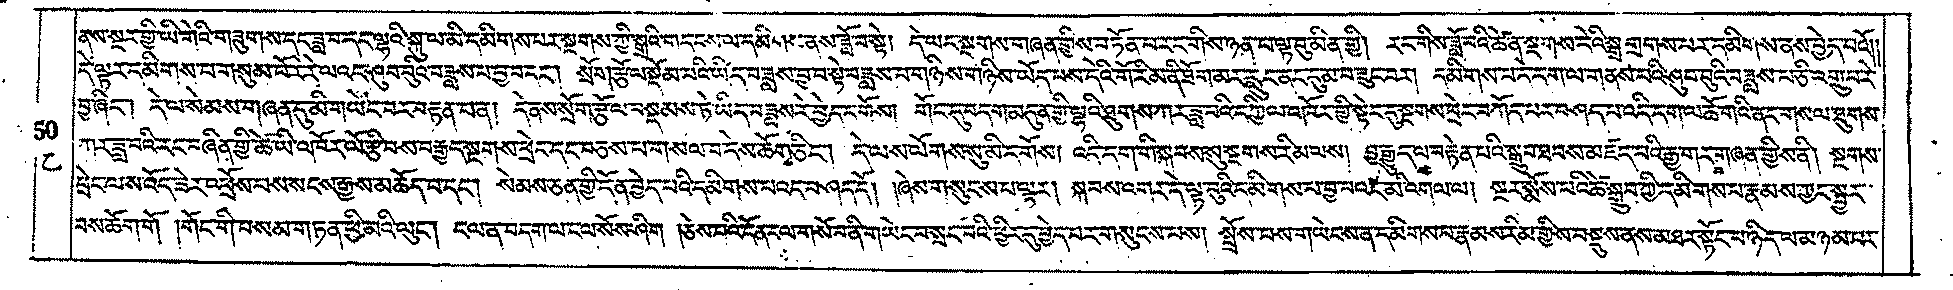ནས་སྔར་གྱི་ཡི་གེའི་གཟུགས་དང་ཟླ་བ་དང་ལྷའི་སྐུ་ལ་མི་དམིགས་པར་སྔགས་ཀྱི་སྒྲའི་གདངས་ལ་དམིགས་ནས་ཟློ་བ་སྟེ། དེ་ཡང་སྔགས་གཞན་གྱིས་བཏོན་པ་རང་གིས་ཉན་པ་ལྟ་བུ་མིན་གྱི། རང་གིས་ཟློ་བའི་ཚེ་ན་སྔགས་དེའི་སྒྲ་གྲགས་པར་དམིགས་ནས་བྱེད་པའོ།།
དེ་ལྟར་དམིགས་པ་གསུམ་པོ་རེ་རེ་ལའང་ཤུབ་བུའི་བཟླས་པ་བྱ་བ་དང་། སྲོག་རྩོལ་སྡོམ་པའི་ཡིད་བཟླས་བྱ་བ་སྟེ་བཟླས་པ་གཉིས་གཉིས་ཡོད་པས་དེའི་གོ་རིམ་ནི་ཐོག་མར་རླུང་ནང་དུ་མ་བཟུང་བར། དམིགས་པ་དེ་དག་ལ་གནས་པའི་ཤུབ་བུའི་བཟླས་པ་ཅི་འགྲུབ་རེ་
བྱ་ཞིང་། དེ་ལ་སེམས་གཞན་དུ་མི་གཡེང་བར་བརྟན་པ་ན། དེ་ནས་སྲོག་རྩོལ་བསྡམས་ཏེ་ཡིད་བཟླས་རེ་བྱེད་དགོས། གོང་དུ་བདག་མདུན་གྱི་ལྷའི་ཐུགས་ཀར་ཟླ་བའི་དཀྱིལ་འཁོར་གྱི་སྟེང་དུ་སྔགས་ཕྲེང་བཀོད་པར་བཤད་པ་འདི་དག་ལ་ཆོ་གའི་ནང་གསལ་ཐུགས་
ཀར་ཟླ་བའི་རང་བཞིན་གྱི་ཚེ་ཡི་འཁོར་ལོ་རྩིབས་བརྒྱད་སྔགས་ཕྲེང་དང་བཅས་པ་གསལ་བ་དེས་ཆོག་ཅིང་། དེ་ལས་ལོགས་སུ་མི་དགོས། འདི་དག་གི་སྐབས་སུ་སྔགས་རིམ་ལས། བྱ་རྒྱུད་ལ་བརྟེན་པའི་སྒྲུབ་ཐབས་མཛད་པའི་རྒྱ་གར་བ་གཞན་གྱིས་ནི། སྔགས་
ཕྲེང་ལས་འོད་ཟེར་འཕྲོས་པས་སངས་རྒྱས་མཆོད་པ་དང་། སེམས་ཅན་གྱི་དོན་བྱེད་པའི་དམིགས་པའང་བཤད་དོ། །ཞེས་གསུངས་པ་ལྟར། སྐབས་འགར་དེ་ལྟ་བུའི་དམིགས་པ་བྱ་བའང་མི་འགལ་ལ། སྔར་སྨོས་པའི་ཚེ་སྒྲུབ་ཀྱི་དམིགས་པ་རྣམས་ཀྱང་སྦྱར་་་
བས་ཆོག་གོ། །གོང་གི་བསམ་གཏན་ཕྱི་མའི་ལུང་། ངལ་ན་བདག་ལ་ངལ་སོས་ཤིག །ཅེས་པའི་དོན་ངལ་གསོ་བ་ནི་གཡེང་བ་སྤང་བའི་ཕྱིར་དུ་བྱེད་པར་གསུངས་པས། སྤྲོས་པས་གཡེངས་ན་དམིགས་པ་རྣམས་རིམ་གྱིས་བསྡུས་ནས་མཐར་སྟོང་པ་ཉིད་ལ་མཉམ་པར་